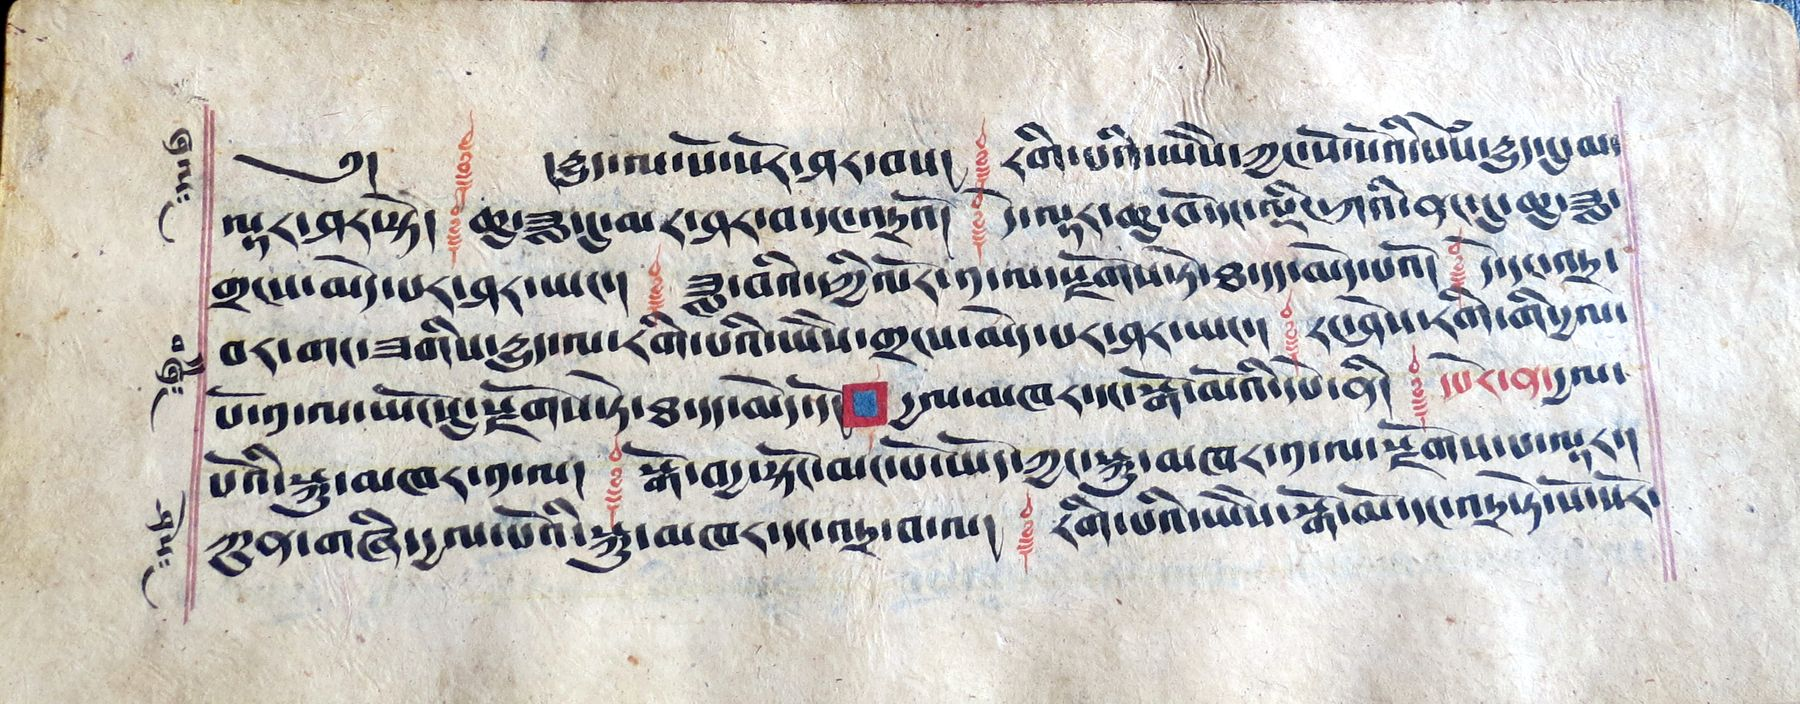རྒྱུད་སོ་སོར་ཤར་བས། རིག་པའི་ཡེ་ཤེས་ཀྱང་སོ་སོ་དུ་མ་
ལྟར་ཤར་ཏེ། ཆུ་ཟླ་དུ་མར་ཤར་བ་དང་འདྲའོ། དེ་ལྟར་ཆུ་བོ་ལྡེང་ཀའི་ནང་དུ་ཆུ་ཟླ་
གྲངས་མེད་ཤར་ཡང་། ཟླ་བའི་དཀྱིལ་འཁོར་གཅིག་ལ་རྫོགས་ཏེ་ཐ་དད་མེད་དོ། ། དེ་དང་འདྲ་
བར་གང་ཟག་གི་རྒྱུད་ལ་རིག་པའི་ཡེ་ཤེས་སོ་སོར་གྲངས་མེད་ཤར་ཡང་། རང་ཤེས་རིག་གི་རྒྱལ་
པོ་གཅིག་ལ་ཡོངས་སུ་རྫོགས་ཏེ་ཐ་དད་མེད་དོ། ། རྒྱལ་མཁར་དང་སྒོ་མོའི་དཔེར་ན་རྒྱལ་
པོའི་སྐུ་མཁར་གཅིག་ལ་སྒོ་བརྒྱ་སྟོང་མང་པོ་ཡོད་ཀྱང་། སྐུ་མཁར་གཅིག་ལ་རྫོགས་པ་ལྟར། 
ཀུན་གཞི་རྒྱལ་པོའི་སྐུ་མཁར་དང་འདྲ་བ་ལ། རིག་པའི་ཡེ་ཤེས་སྒོ་དང་འདྲ་སྟེ་སོ་སོར་